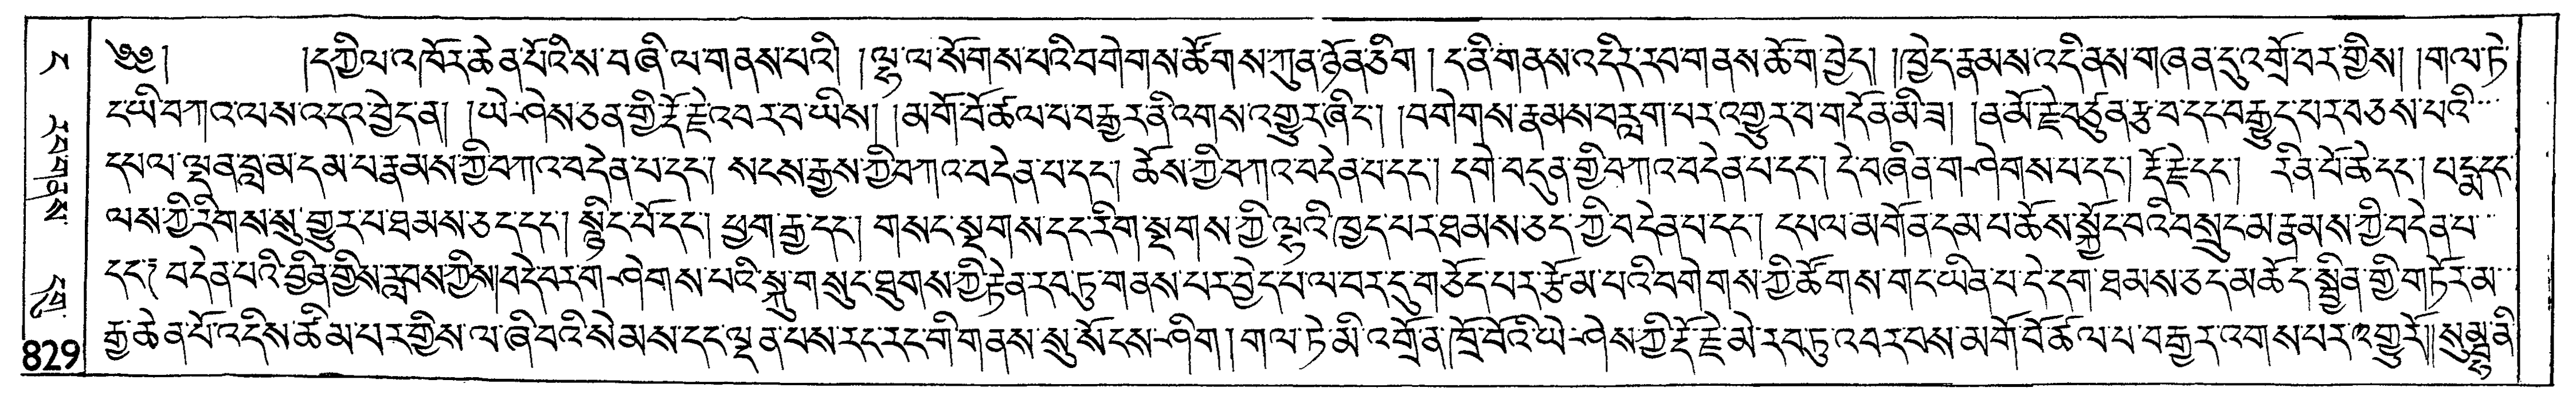༄༅། །དཀྱིལ་འཁོར་ཆེན་པོའི་ས་བཞི་ལ་གནས་པའི། །ལྷ་ལ་སོགས་པའི་བགེགས་ཚོགས་ཀུན་ཉོན་ཅིག །ད་ནི་གནས་འདིར་རབ་གནས་ཆོ་ག་བྱེད། །ཁྱེད་རྣམས་འདི་ནས་གཞན་དུ་འགྲོ་བར་གྱིས། །གལ་ཏེ་
ང་ཡི་བཀའ་ལས་འདའ་བྱེད་ན། །ཡེ་ཤེས་ཅན་གྱི་རྡོ་རྗེ་འབར་བ་ཡིས། །མགོ་བོ་ཚལ་པ་བརྒྱར་ནི་འགས་འགྱུར་ཞིང་། །བགེགས་རྣམས་བརླག་པར་འགྱུར་བ་གདོན་མི་ཟ། །ན་མོ་རྗེ་བཙུན་རྩ་བ་དང་བརྒྱུད་པར་བཅས་པའི་
དཔལ་ལྡན་བླ་མ་དམ་པ་རྣམས་ཀྱི་བཀའ་བདེན་པ་དང་། སངས་རྒྱས་ཀྱི་བཀའ་བདེན་པ་དང་། ཆོས་ཀྱི་བཀའ་བདེན་པ་དང་། དགེ་བདུན་གྱི་བཀའ་བདེན་པ་དང་། དེ་བཞིན་གཤེགས་པ་དང་། རྡོ་རྗེ་དང་། རིན་པོ་ཆེ་དང་། པདམ་དང་
ལས་ཀྱི་རིགས་སུ་གྱུར་པ་ཐམས་ཅད་དང་། སྙིང་པོ་དང་། ཕྱག་རྒྱ་དང་། གསང་སྔགས་དང་རིག་སྔགས་ཀྱི་ལྷའི་ཁྱད་པར་ཐམས་ཅད་ཀྱི་བདེན་པ་དང་། དཔལ་མགོན་དམ་པ་ཆོས་སྐྱོང་བའི་བསྲུང་མ་རྣམས་ཀྱི་བདེན་པ་
དང་། བདེན་པའི་བྱིན་གྱིས་རླབས་ཀྱིས། བདེ་བར་གཤེགས་པའི་སྐུ་གསུང་ཐུགས་ཀྱི་རྟེན་རབ་ཏུ་གནས་པར་བྱེད་པ་ལ་བར་དུ་གཅོད་པར་རྩོམ་པའི་བགེགས་ཀྱི་ཚོགས་གང་ཡིན་པ་དེ་དག་ཐམས་ཅད་མཆོད་སྦྱིན་གྱི་གཏོར་མ་
རྒྱ་ཆེན་པོ་འདིས་ཚིམ་པར་གྱིས་ལ་ཞི་བའི་སེམས་དང་ལྡན་པས་རང་རང་གི་གནས་སུ་སོངས་ཤིག །གལ་ཏེ་མི་འགྲོ་ན་ཁྲོ་བོའི་ཡེ་ཤེས་ཀྱི་རྡོ་རྗེ་མེ་རབ་ཏུ་འབར་བས་མགོ་བོ་ཚལ་པ་བརྒྱར་འགས་པར་འགྱུར་རོ། །སུམྦྷ་ནི་